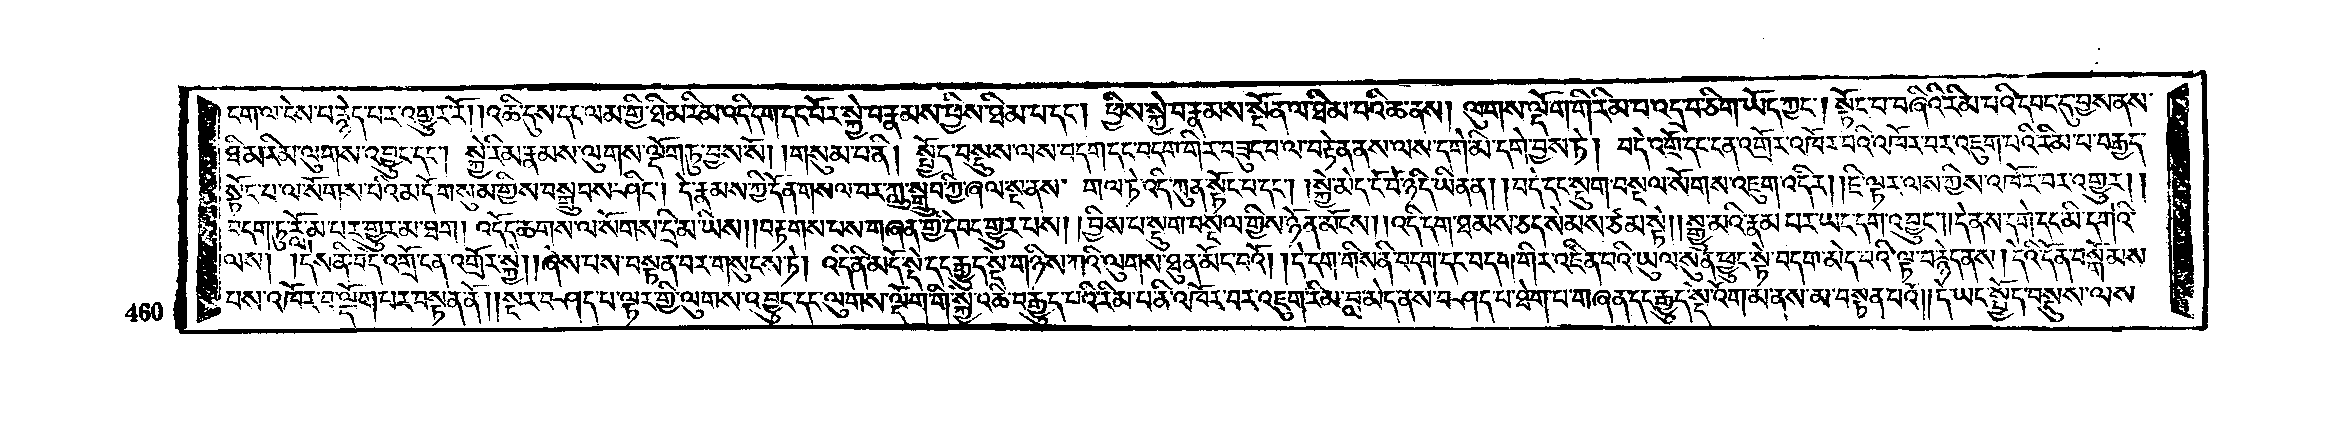ངག་ལ་ངེས་པ་རྙེད་པར་འགྱུར་རོ། །འཆི་དུས་དང་ལམ་གྱི་ཐིམ་རིམ་འདི་དག་དང་པོར་སྐྱེ་བ་རྣམས་ཕྱིས་ཐིམ་པ་དང་། ཕྱིས་སྐྱེ་བ་རྣམས་སྔོན་ལ་ཐིམ་པའི་ཆ་ནས། ལུགས་ལྡོག་གི་རིམ་པ་འདྲ་བ་ཅིག་ཡོད་ཀྱང་། སྟོང་པ་བཞིའི་རིམ་པའི་དབང་དུ་བྱས་ནས་
ཐིམ་རིམ་ལུགས་འབྱུང་དང་། སྐྱེ་རིམ་རྣམས་ལུགས་ལྡོག་ཏུ་བྱས་སོ། །གསུམ་པ་ནི། སྤྱོད་བསྡུས་ལས་བདག་དང་བདག་གིར་བཟུང་བ་ལ་བརྟེན་ནས་ལས་དགེ་མི་དགེ་བྱས་ཏེ། བདེ་འགྲོ་དང་ངན་འགྲོར་འཁོར་བའི་འཁོར་བར་འཇུག་པའི་རིམ་པ་བརྒྱད་
སྟོང་པ་ལ་སོགས་པའི་མདོ་གསུམ་གྱིས་བསྒྲུབས་ཤིང་། དེ་རྣམས་ཀྱི་དོན་གསལ་བར་ཀླུ་སྒྲུབ་ཀྱི་ཞལ་སྔ་ནས། གལ་ཏེ་འདི་ཀུན་སྟོང་པ་དང་། །སྐྱེ་མེད་ངོ་བོ་ཉིད་ཡིན་ན། །བདེ་དང་སྡུག་བསྔལ་སོགས་འཇུག་འདིར། །ཇི་ལྟར་ལས་ཀྱིས་འཁོར་བར་འགྱུར།།
བདག་ཏུ་རློམ་པར་གྱུར་མ་ཐག །འདོད་ཆགས་ལ་སོགས་དྲི་མ་ཡིས། །བརྟགས་པས་གཞན་གྱི་དབང་གྱུར་པས། །བྱིས་པ་སྡུག་བསྔལ་གྱིས་ཉོན་མོངས། །འདི་དག་ཐམས་ཅད་སེམས་ཙམ་སྟེ། །སྒྱུ་མའི་རྣམ་པར་ཡང་དག་འབྱུང་། །དེ་ནས་དགེ་དང་མི་དགེའི་
ལས། །དེས་ནི་བདེ་འགྲོ་ངན་འགྲོར་སྐྱེ། །ཞེས་པས་བསྟན་པར་གསུངས་ཏེ། འདི་ནི་མདོ་སྡེ་དང་རྒྱུད་སྡེ་གཉིས་ཀའི་ལུགས་ཐུན་མོང་བའོ། །དེ་དག་གིས་ནི་བདག་དང་བདག་གིར་འཛིན་པའི་ཡུལ་སུན་ཕྱུང་སྟེ་བདག་མེད་པའི་ལྟ་བ་རྙེད་ནས། དེའི་དོན་བསྒོམས་
པས་འཁོར་བ་ལྡོག་པར་བསྟན་ནོ། །སྔར་བཤད་པ་ལྟར་གྱི་ལུགས་འབྱུང་དང་ལུགས་ལྡོག་གི་སྐྱེ་འཆི་བརྒྱུད་པའི་རིམ་པ་ནི་འཁོར་བར་འཇུག་རིམ་བླ་མེད་ནས་བཤད་པ་ཐེག་པ་གཞན་དང་རྒྱུད་སྡེ་འོག་མ་ནས་མ་བསྟན་པའོ། །དེ་ཡང་སྤྱོད་བསྡུས་ལས་